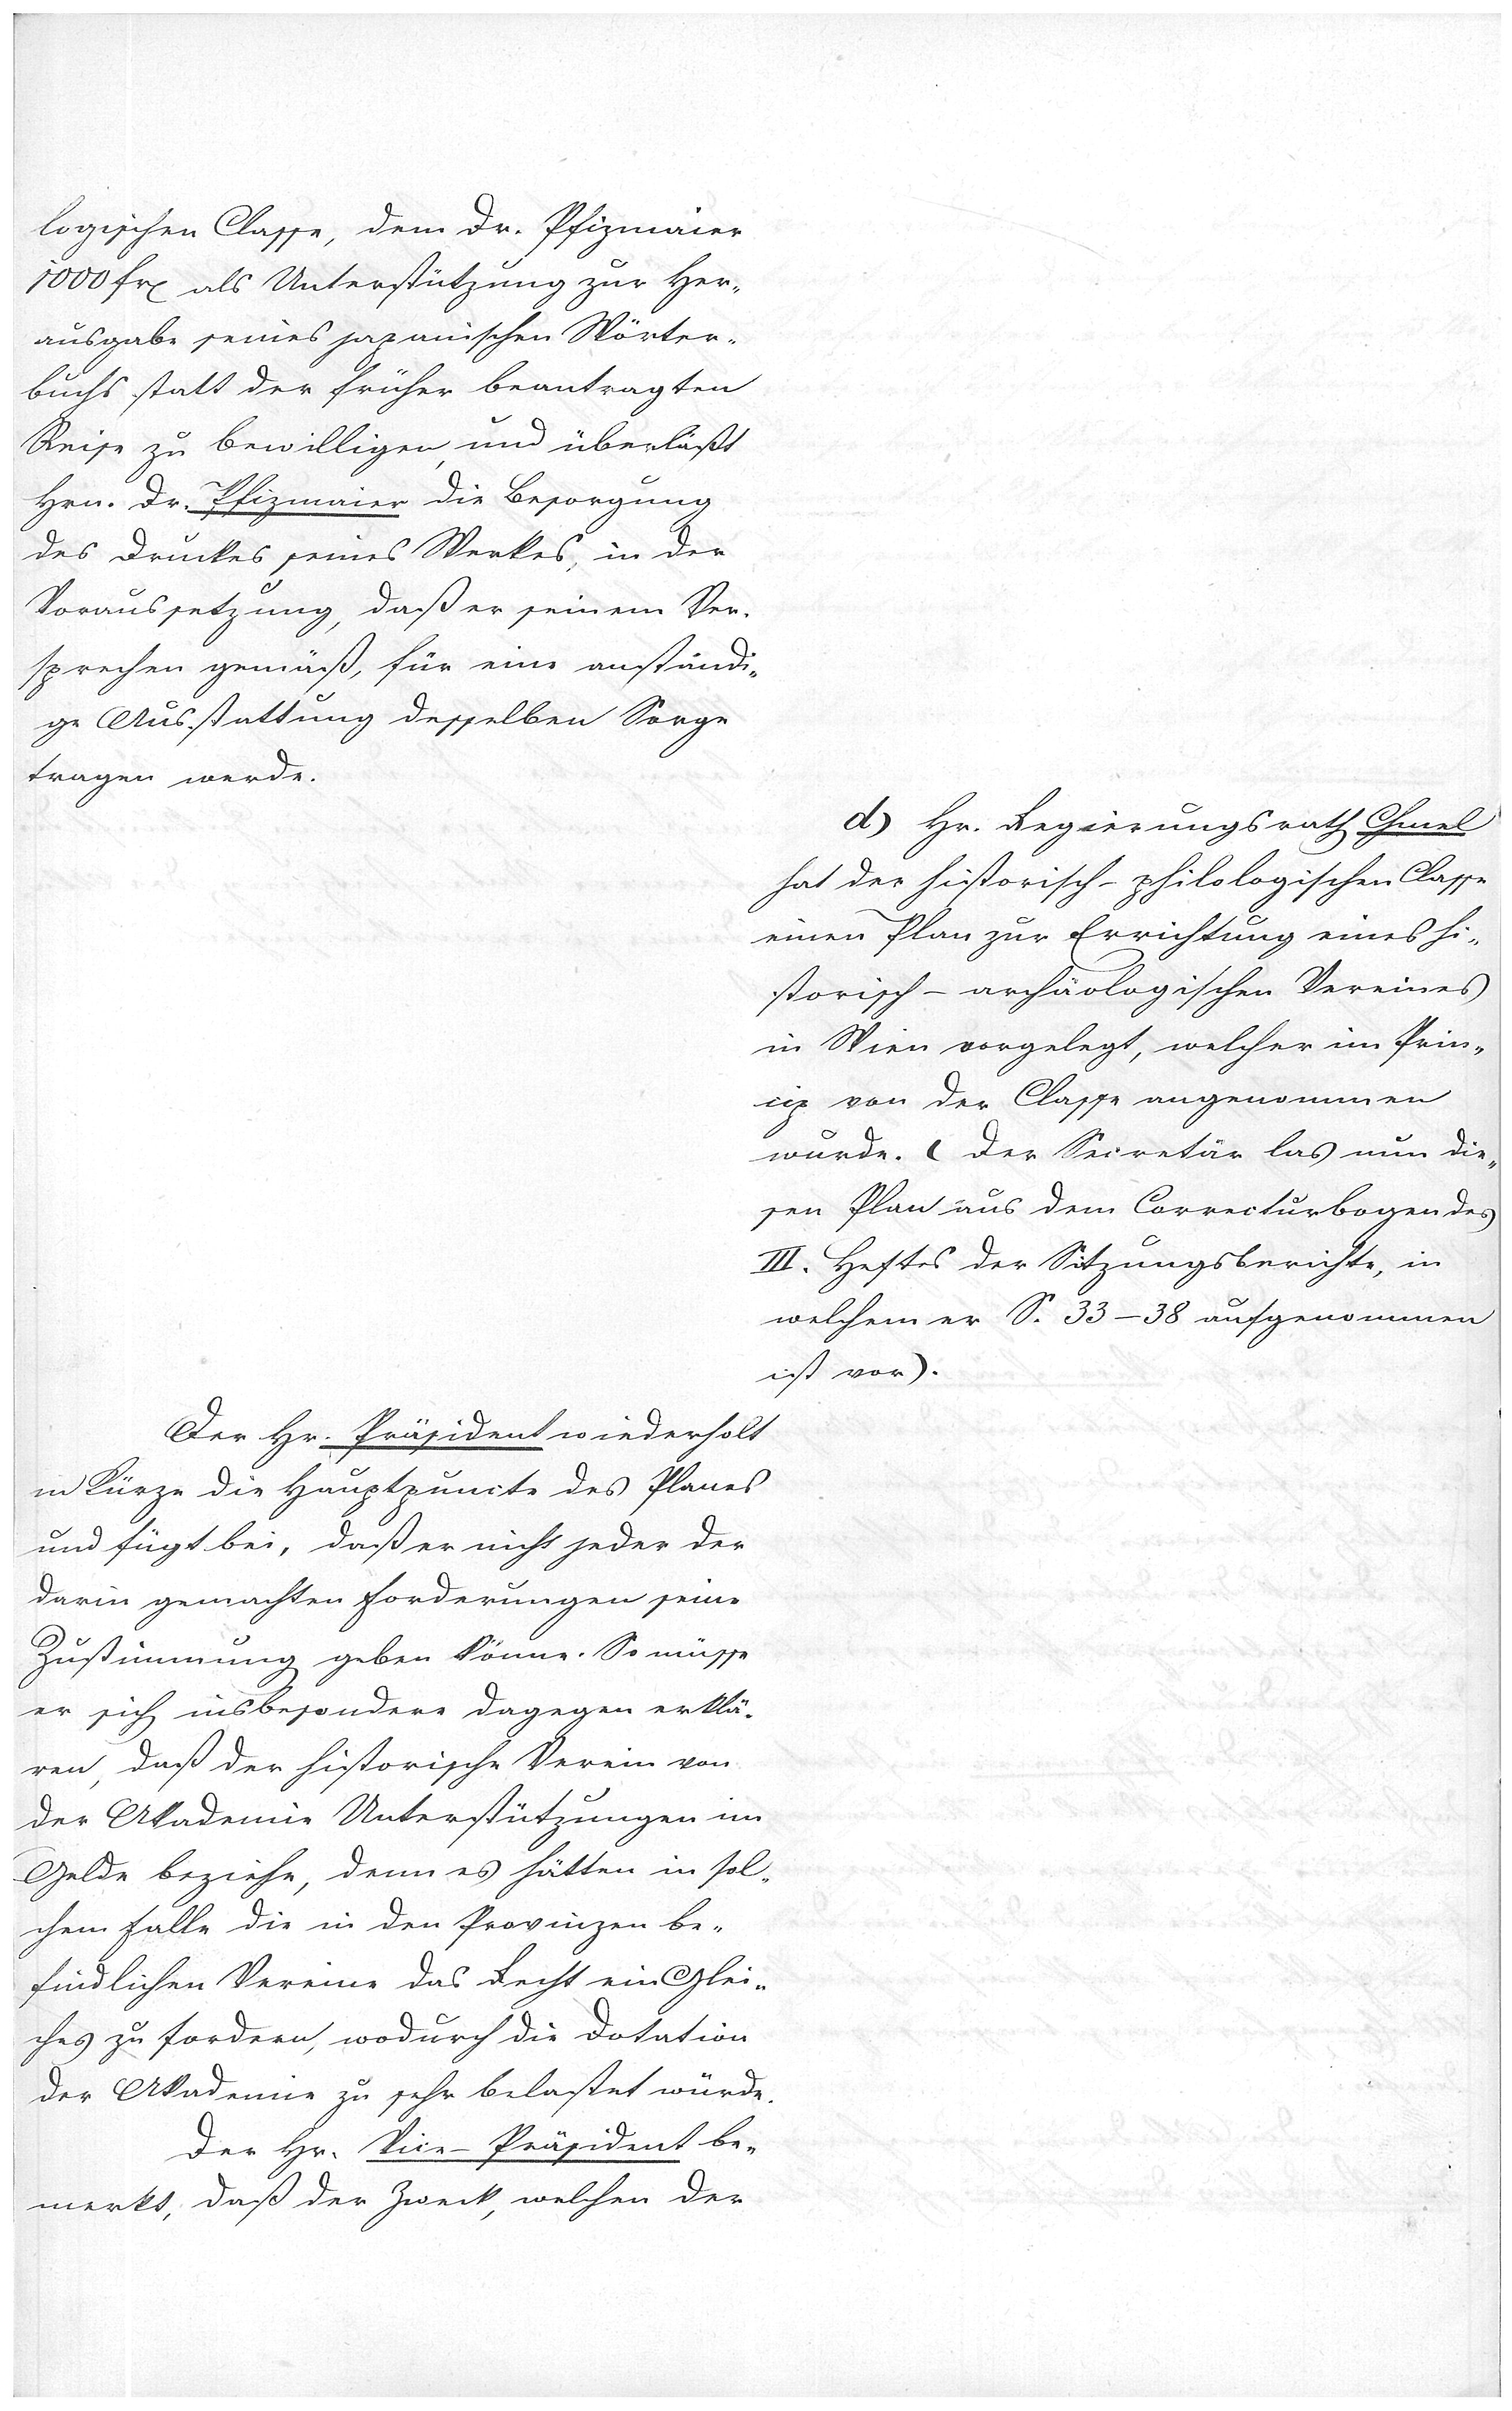logischen Classe, dem Dr. Pfizmaier
1000 fl als Unterstützung zur Her-
ausgabe seines japanischen Wörter-
buchs statt der früher beantragten
Reise zu bewilligen und überläßt
Hrn. Dr. Pfizmaier die Besorgung
des Druckes seines Werkes, in der
Voraussetzung, daß er seinem Ver-
sprechen gemäß, für eine anständ-
gen Ausstattung desselben Sorge
tragen werde.
d) Hr. Regierungsrath Chmel
hat der historisch-philologischen Classe
einen Plan zur Errichtung eines hi-
storisch-archäologischen Vereines
in Wien vorgelegt, welcher im Prin-
cip von der Classe angenommen
wurde. (der Secretär las nun die-
sen Plan aus dem Correcturbogen des
III. Heftes der Sitzungsberichte, in
welchem er S. 33-38 aufgenonmen
ist vor).
Der Hr. Präsident wiederholt
in Kürze die Hauptpuncte des Planes
und fügt bei, daß er nicht jeder der
darin gemachten Forderungen seine
Zustimmung geben könne. So müsse
er sich insbesondere dagegen erklär-
ren daß der historische Verein von
der Akademie Unterstützungen im
Gelde beziehe, denn es hätten in sol-
chem Falle die in den Provinzen be-
findlichen Vereine das Recht ein Glei-
ches zu fordern, wodurch die Dotation
der Akademie zu sehr belastet würde.
Der Hr. Vice-Präsident be-
merkt, daß der Zweck, welchen der